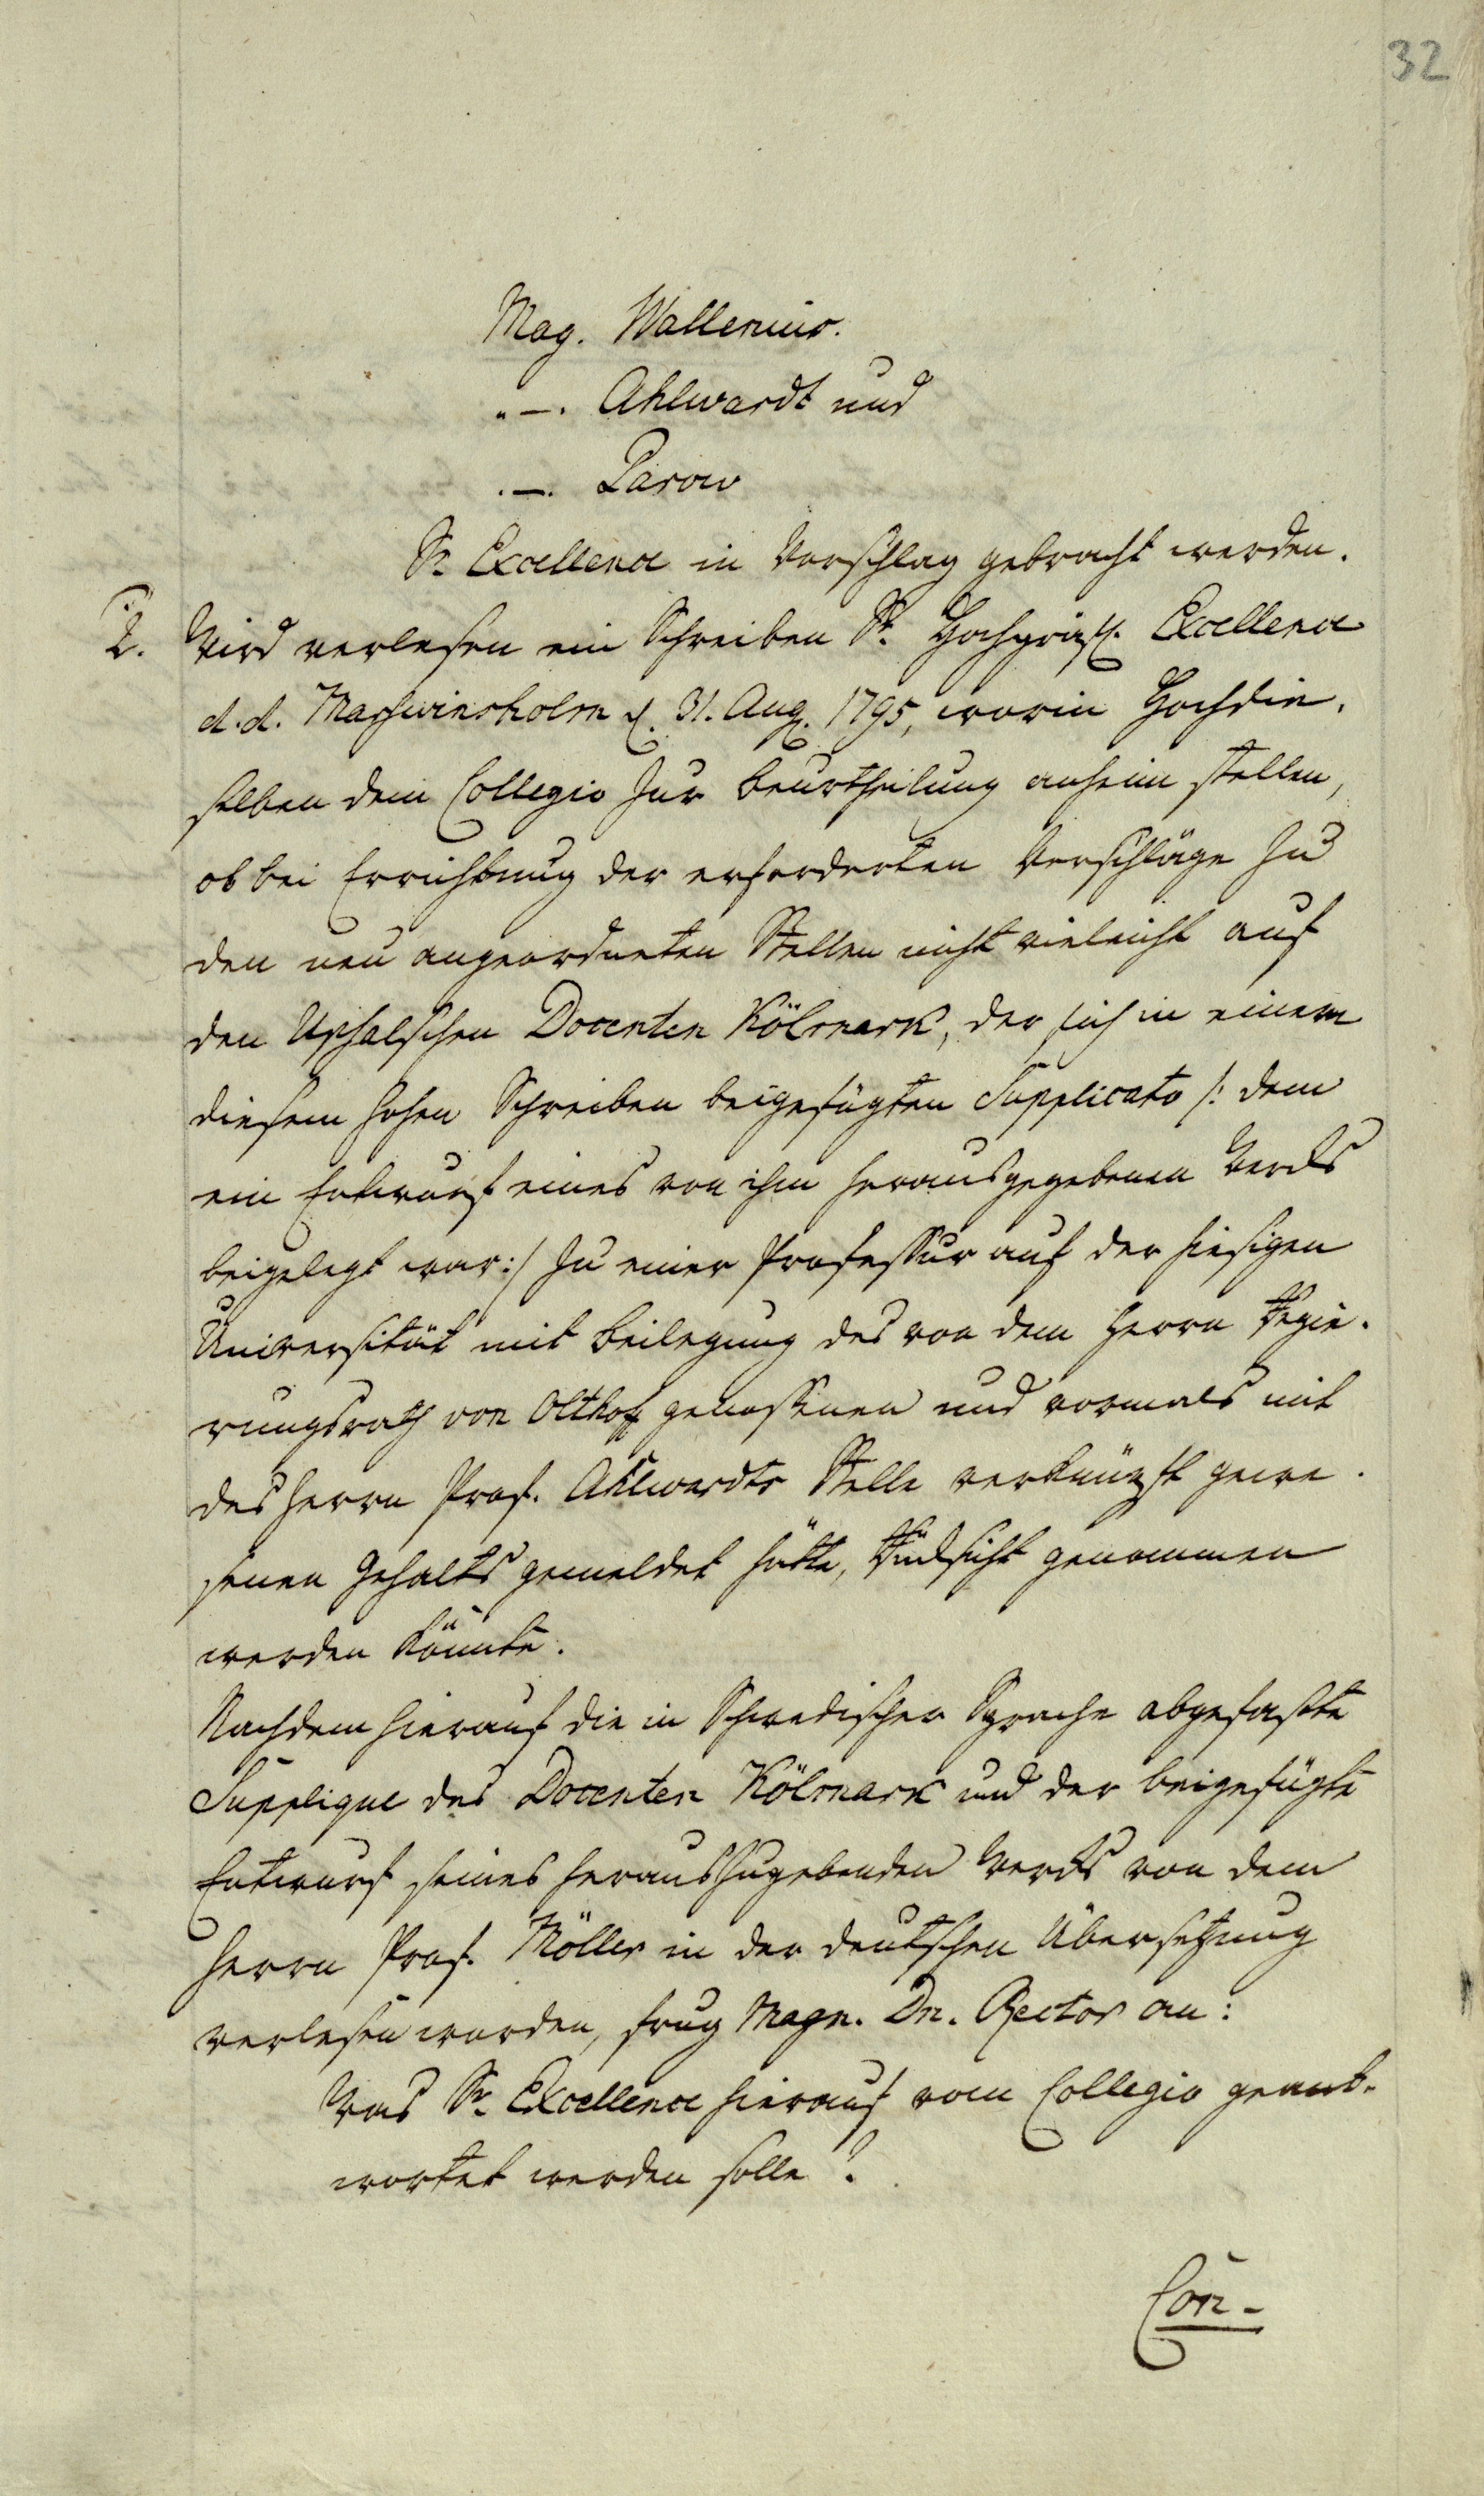Mag. Wallenius.
" — . Ahlwardt und
. — . Larow
Sr. Excellence in Vorschlag gebracht werden.
2. Wird verlesen ein Schreiben Sr. Hochgräfl. Excellence
d.d. Marswinsholm d. 31. Aug. 1795, worin Hochdie¬
selben dem Collegio zur zur Beurtheilung anheim stellen,
ob bei Errichtung der erforderten Vorschläge zu
den neu angeordneten Stellen nicht vielleicht auf
den Upsalschen Docenten Kölmark, der sich in einem
diesem hohen Schreiben beigefügten Supplicato /: dem
ein Entwurf eines von ihm herausgegebenen Wercks
beigelegt war :/ zu einer Professur auf der hiesigen
Universität mit Beilegung des von dem Herrn Regie¬
rungsrath von Olthoff genossenen und vormals mit
des Herrn Prof. Ahlwardts Stelle verkürzt gewe¬
senen Gehalts gemeldet hätte, Rücksicht genommen
werden könnte.
Nachdem hierauf die in Schwedischer Sprache abgefasste
Supplique des Docenten Kölmark und der beigefügte
Entwurf seines herauszugebenden Wercks von dem
Herrn Prof. Möller in der deutschen Übersetzung
verlesen worden, frug Magn. Dn. Rector an:
Was Sr. Excellence hierauf vom Collegio geant¬
wortet werden solle?
Con¬